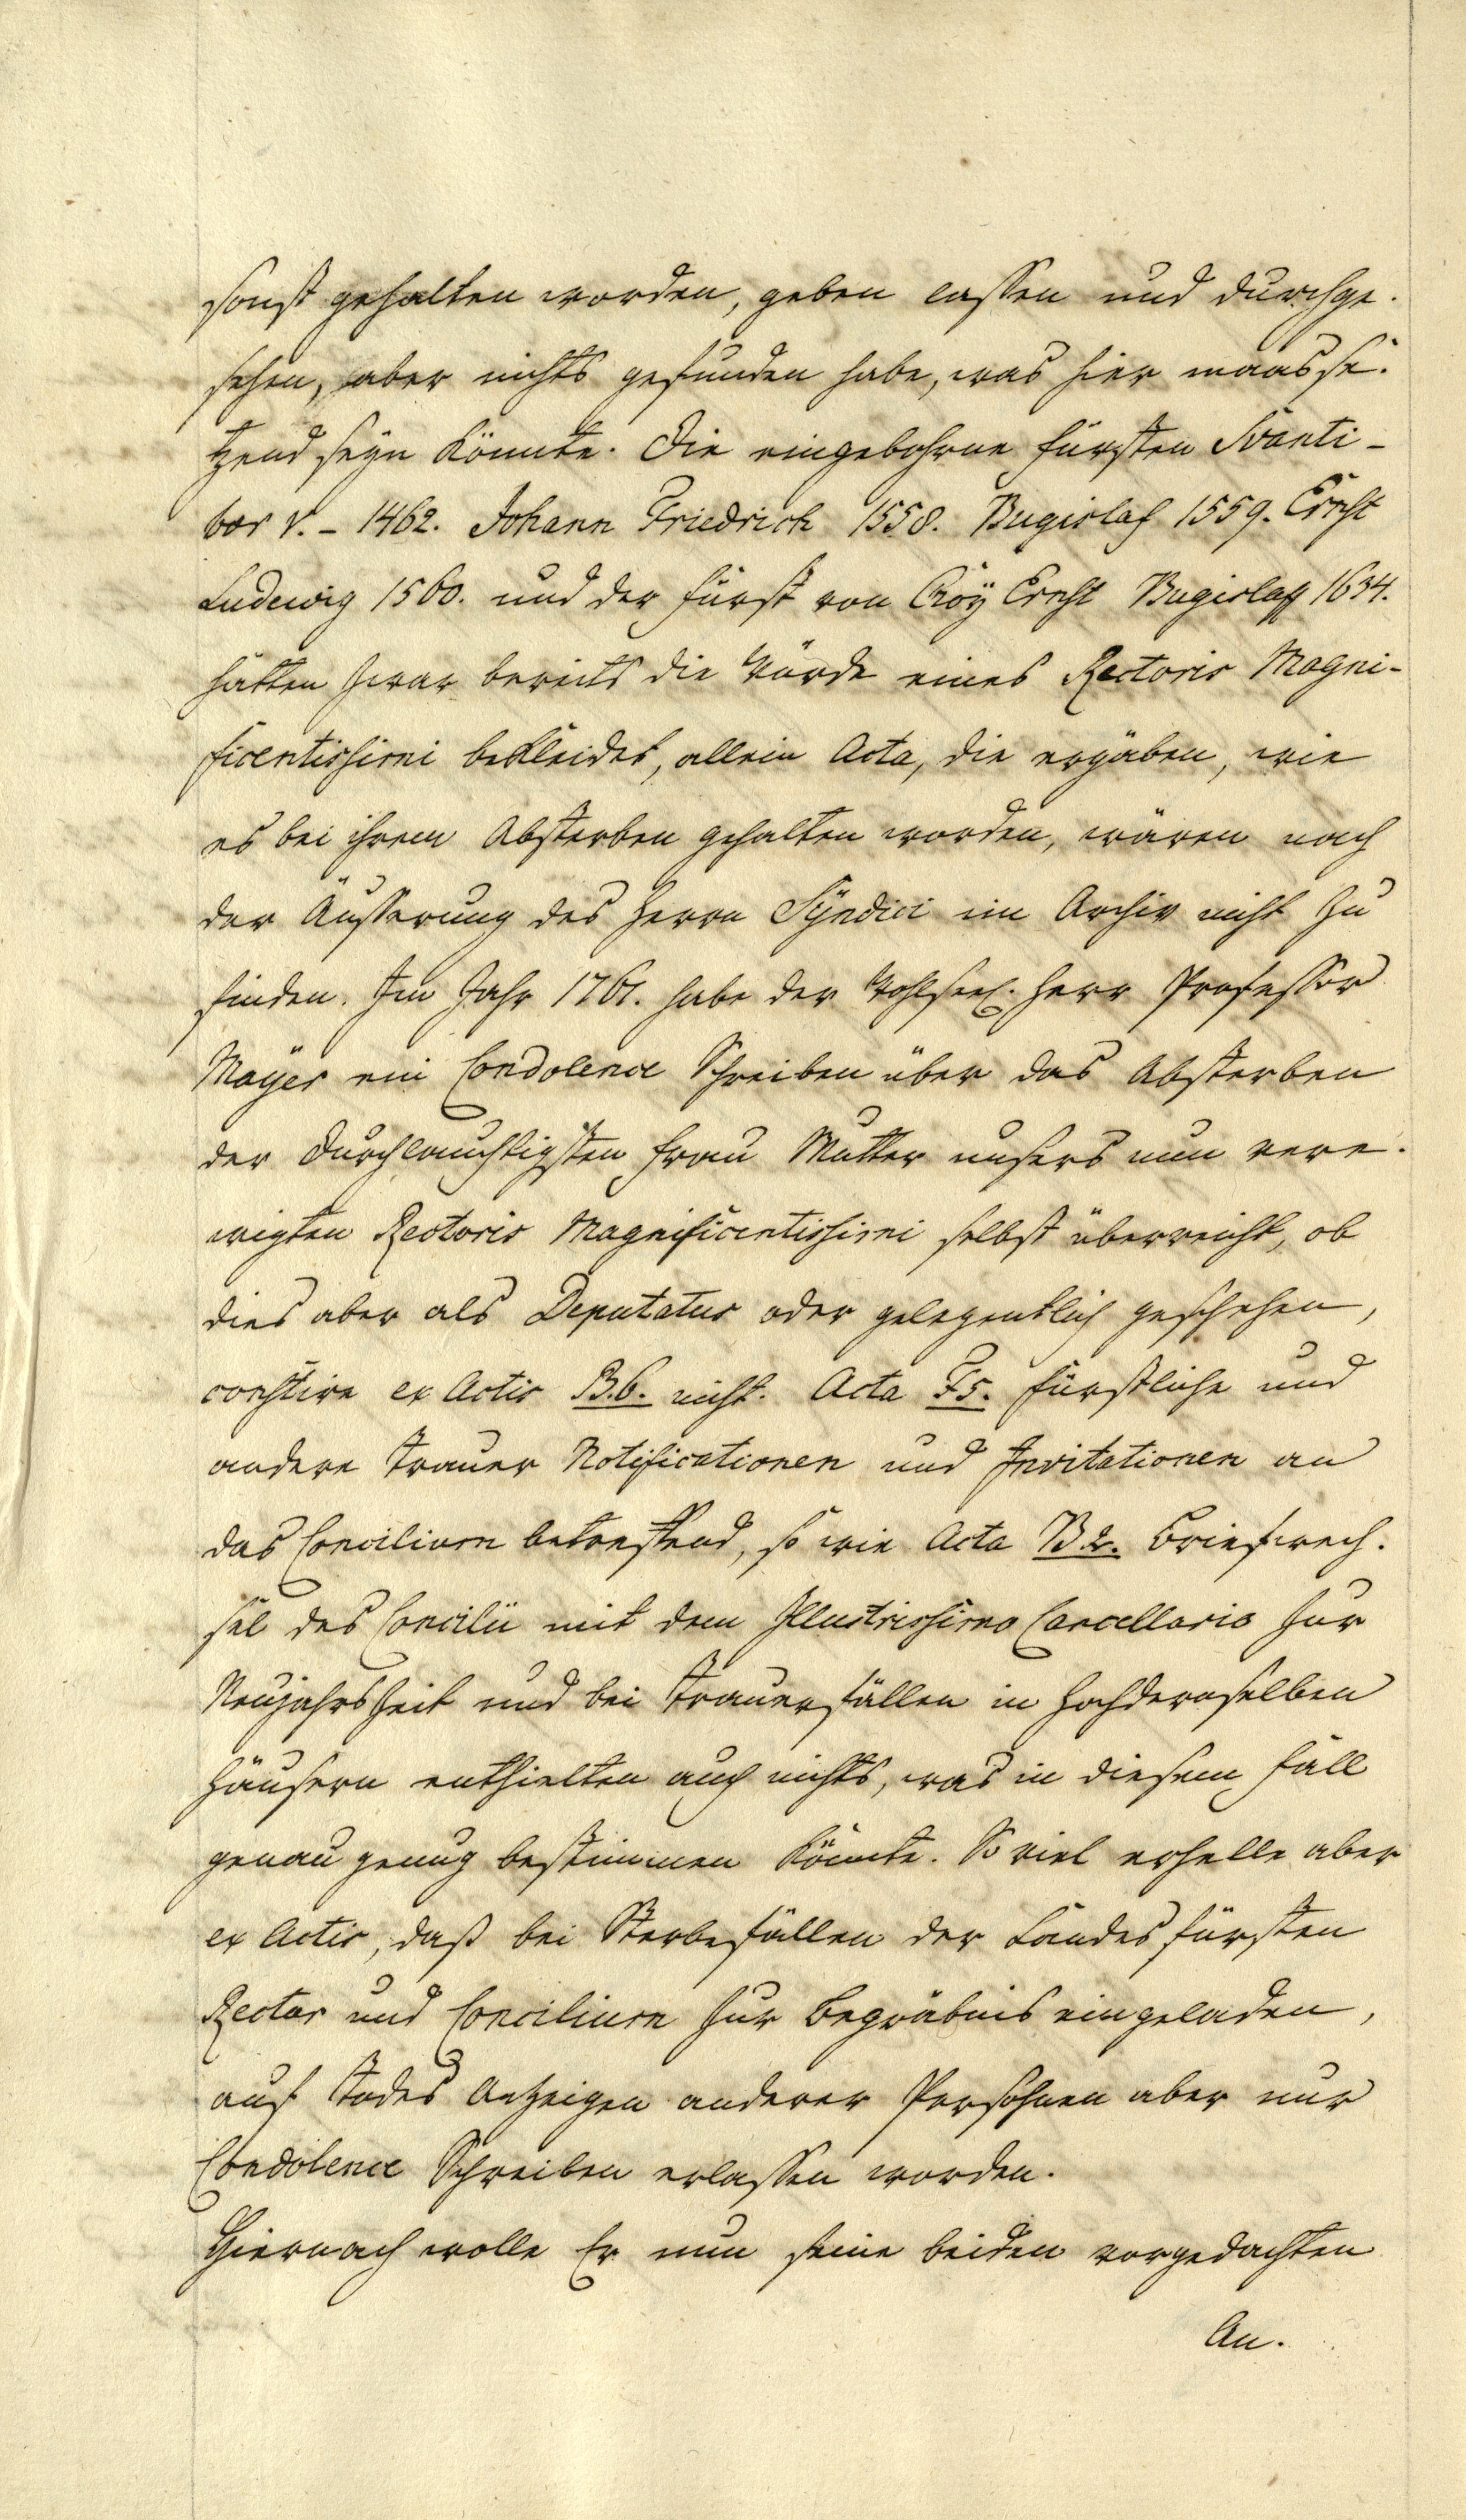sonst gehalten worden, geben lassen und durchge-
sehen, aber nichts gefunden habe, was hier maasse-
tzend seyn könnte. Die eingebohrne Fürsten Svanti-
bor V. - 1462. Johann Friedrich 1558. Bugislaf 1559. Ernst
Ludewig 1560. und der Fürst von Croy Ernst Bugislaff 1634.
hätten zwar bereits die Würde eines Recotris Magni-
ficentissimi bekleidet, allein Acta, die ergäben, wie
es bei ihrem Absterben gehalten worden, wären nach
der Äusserung des Herrn Syndici im Archiv nicht zu
finden. Im Jahr 1767. habe der wohlseel. Herr Professor
Mayer ein Condolence Schreiben über das Absterben
der durchlauchtigsten Frau Mutter unsers nun vere-
wigten Rectoris Magnificentissimi selbst überreicht, ob
dies aber als Deputatus oder gelegentlich geschehen,
constire ex Actis B. 6. nicht. Acta F 5. fürstliche und
andere Trauer Notificationen und Invitationen an
das Concilium betreffend, so wie Acta B.2. Briefwech-
sel des Concilii mit dem Illustrissimo Cancellario zur
Neujahrszeit und bei Trauerfällen in hochderoselben
Häusern enthielten auch nichts, was in diesem Fall
genau genug bestimmen könnte. So viel erhelle aber
ex Actis, daß bei Sterbefällen der Landesfürsten
Rector und Concilium zur Begräbnis eingeladen,
auf Todes Anzeigen anderer Persohnen aber nur
Condolence Schreiben erlassen worden.
Hiernach wolle Er nun seine beiden vorgedachten
An-